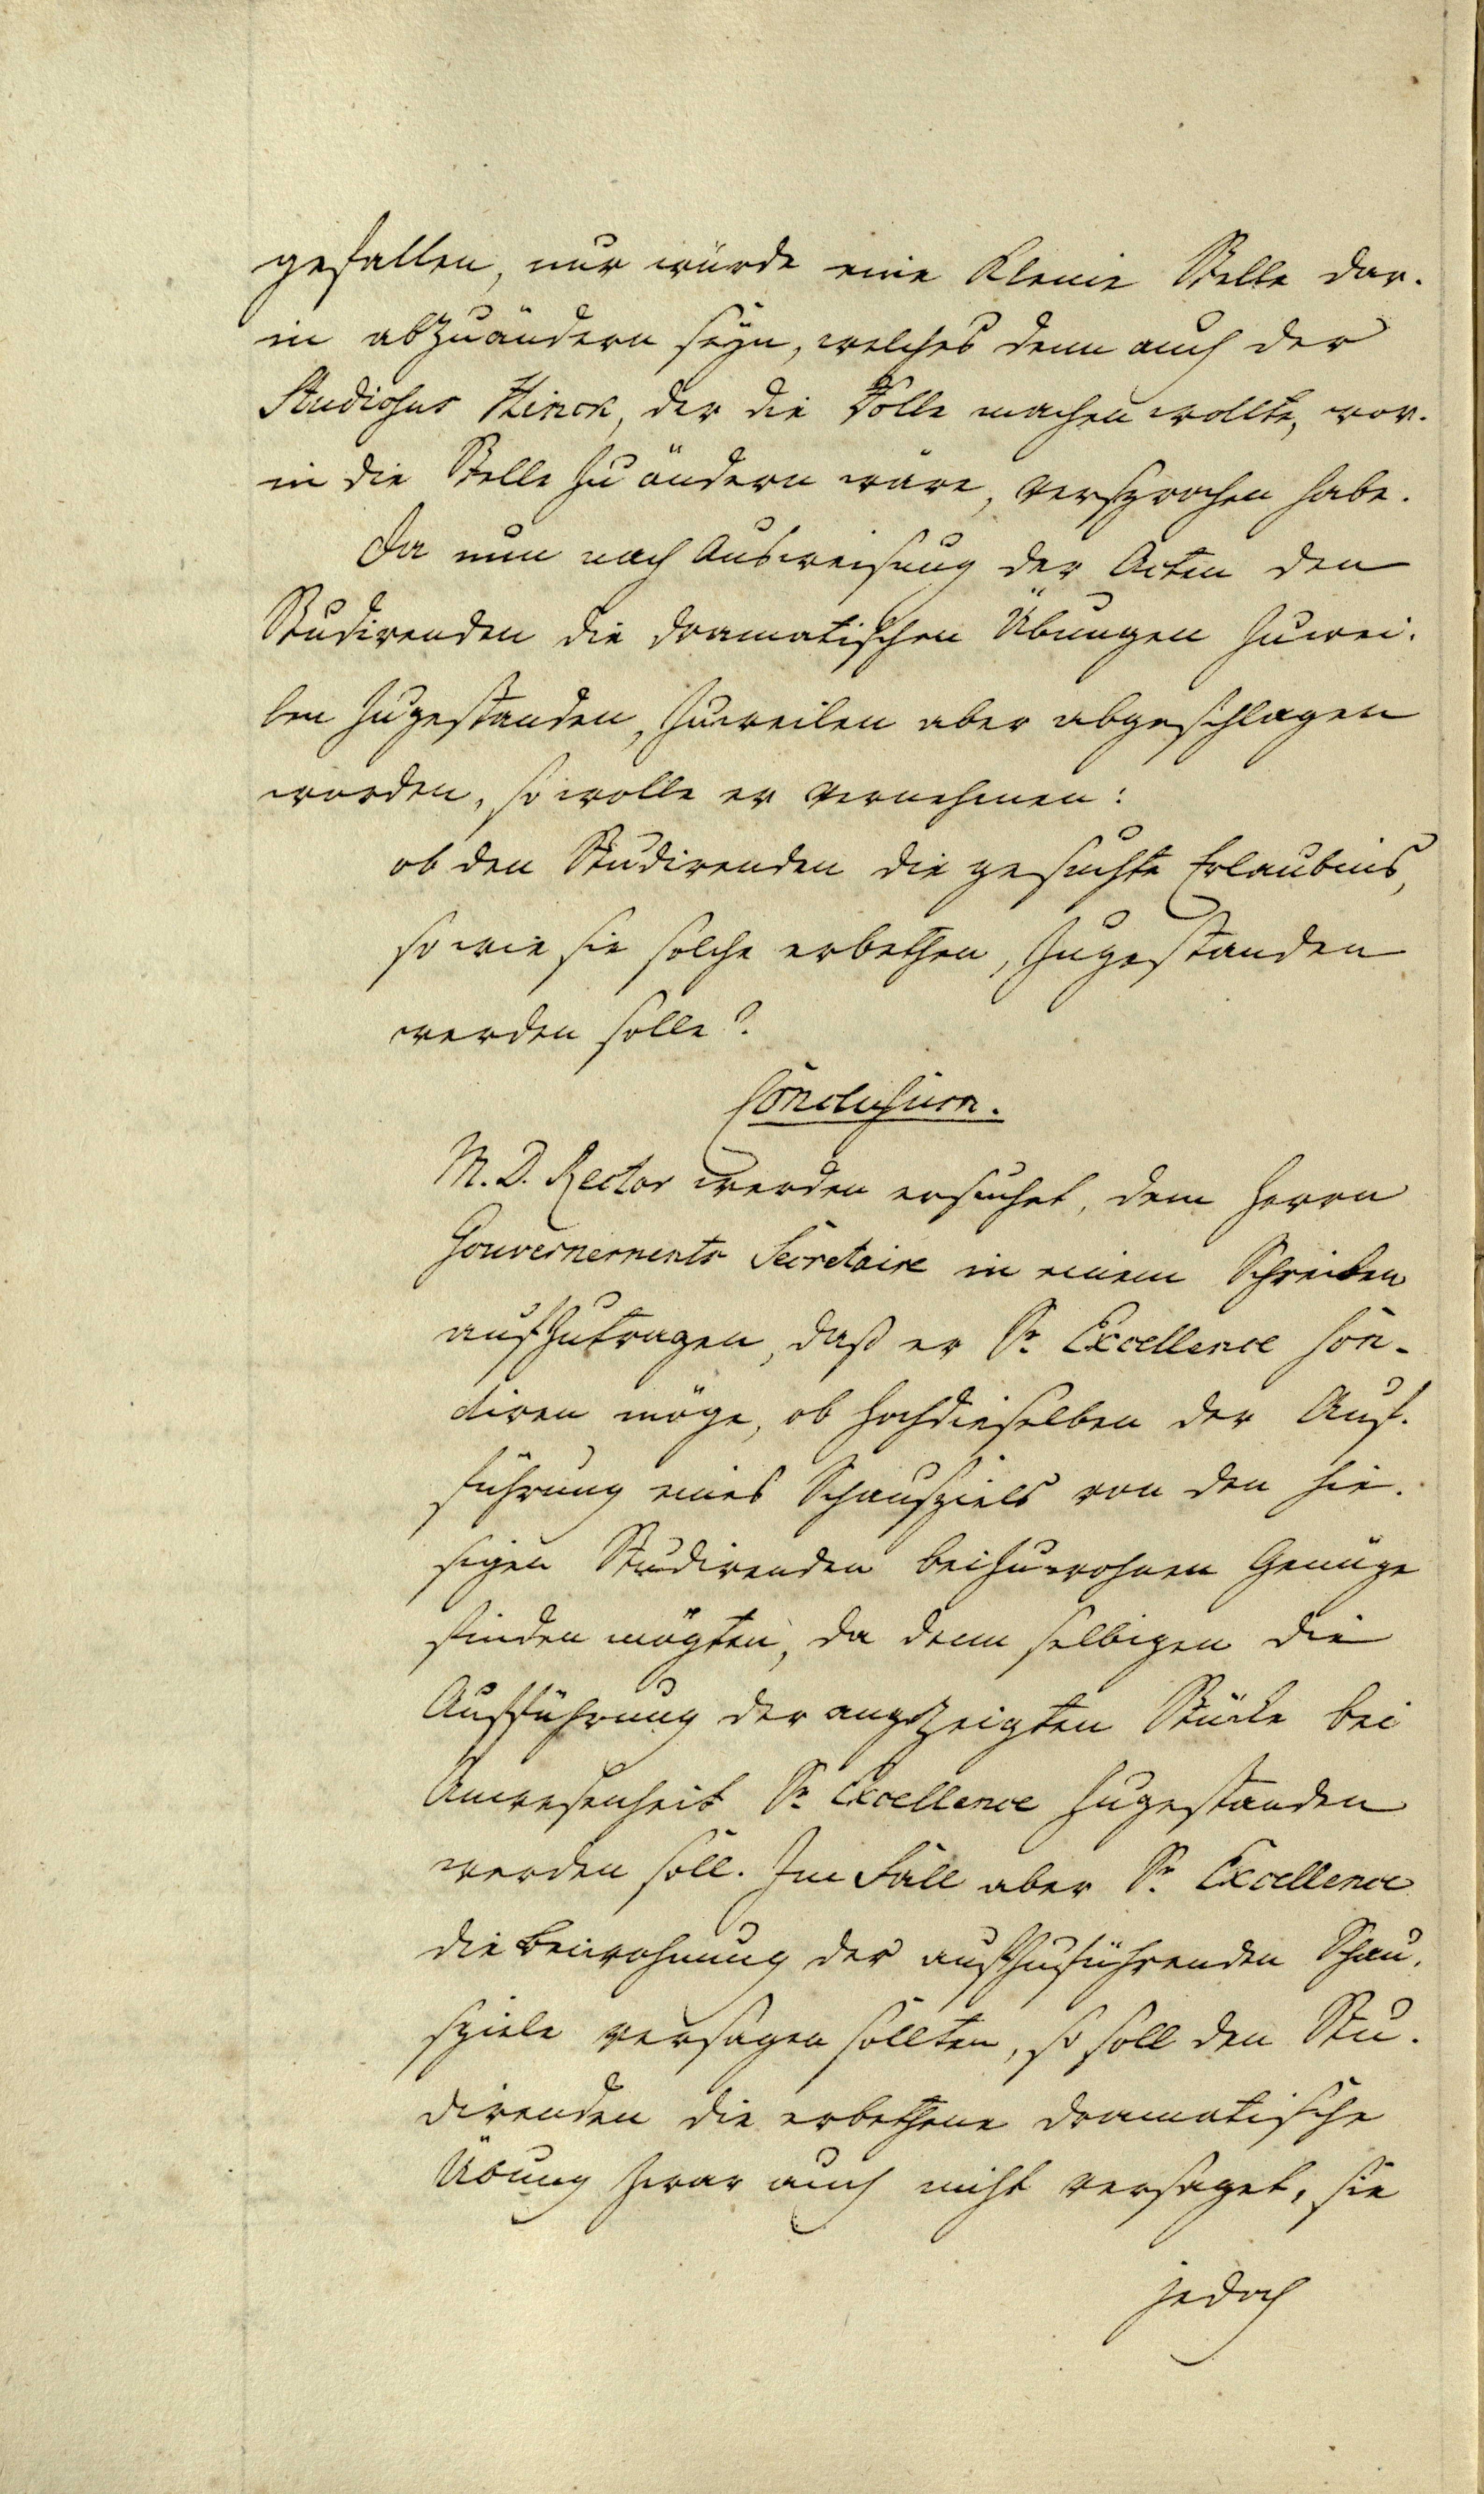gefallen, nur würde eine kleine Stelle dar¬
in ab zuändern seÿn, welches denn auch der
Studiosus Hinck, der die Rolle machen wollte, wor¬
in die Stelle zu ändern wäre, versprochen habe.
Da nun nach Ausweisung der Acten den
Studirenden die dramatischen Übungen zuwei¬
len zugestanden, zuweilen aber abgeschlagen
worden, so wolle er vernehmen:
ob den Studirenden die gesuchte Erlaubnis,
so wie sie solche erbethen, zugestanden
werden solle?
Conclusum.
M. D. Rector werden ersuchet, dem Herrn
Gouvernements Secretaire in einem Schreiben
aufzutragen, daß er Sr Excellence son¬
diren möge, ob Hochdieselben der Auf¬
führung eines Schauspiels von den hie¬
sigen Studirenden beizuwohnen Genüge
finden mögten, da denn selbigen die
Aufführung der angezeigten Stücke bei
Anwesenheit Sr Excellence zugestanden
werden soll. Im Fall aber Sr Excellence
die Beiwohnung der aufzuführenden Schau¬
spiele versagen sollten, so soll den Stu¬
direnden die erbethene dramatische
Übung zwar auch nicht versaget, sie
jedoch